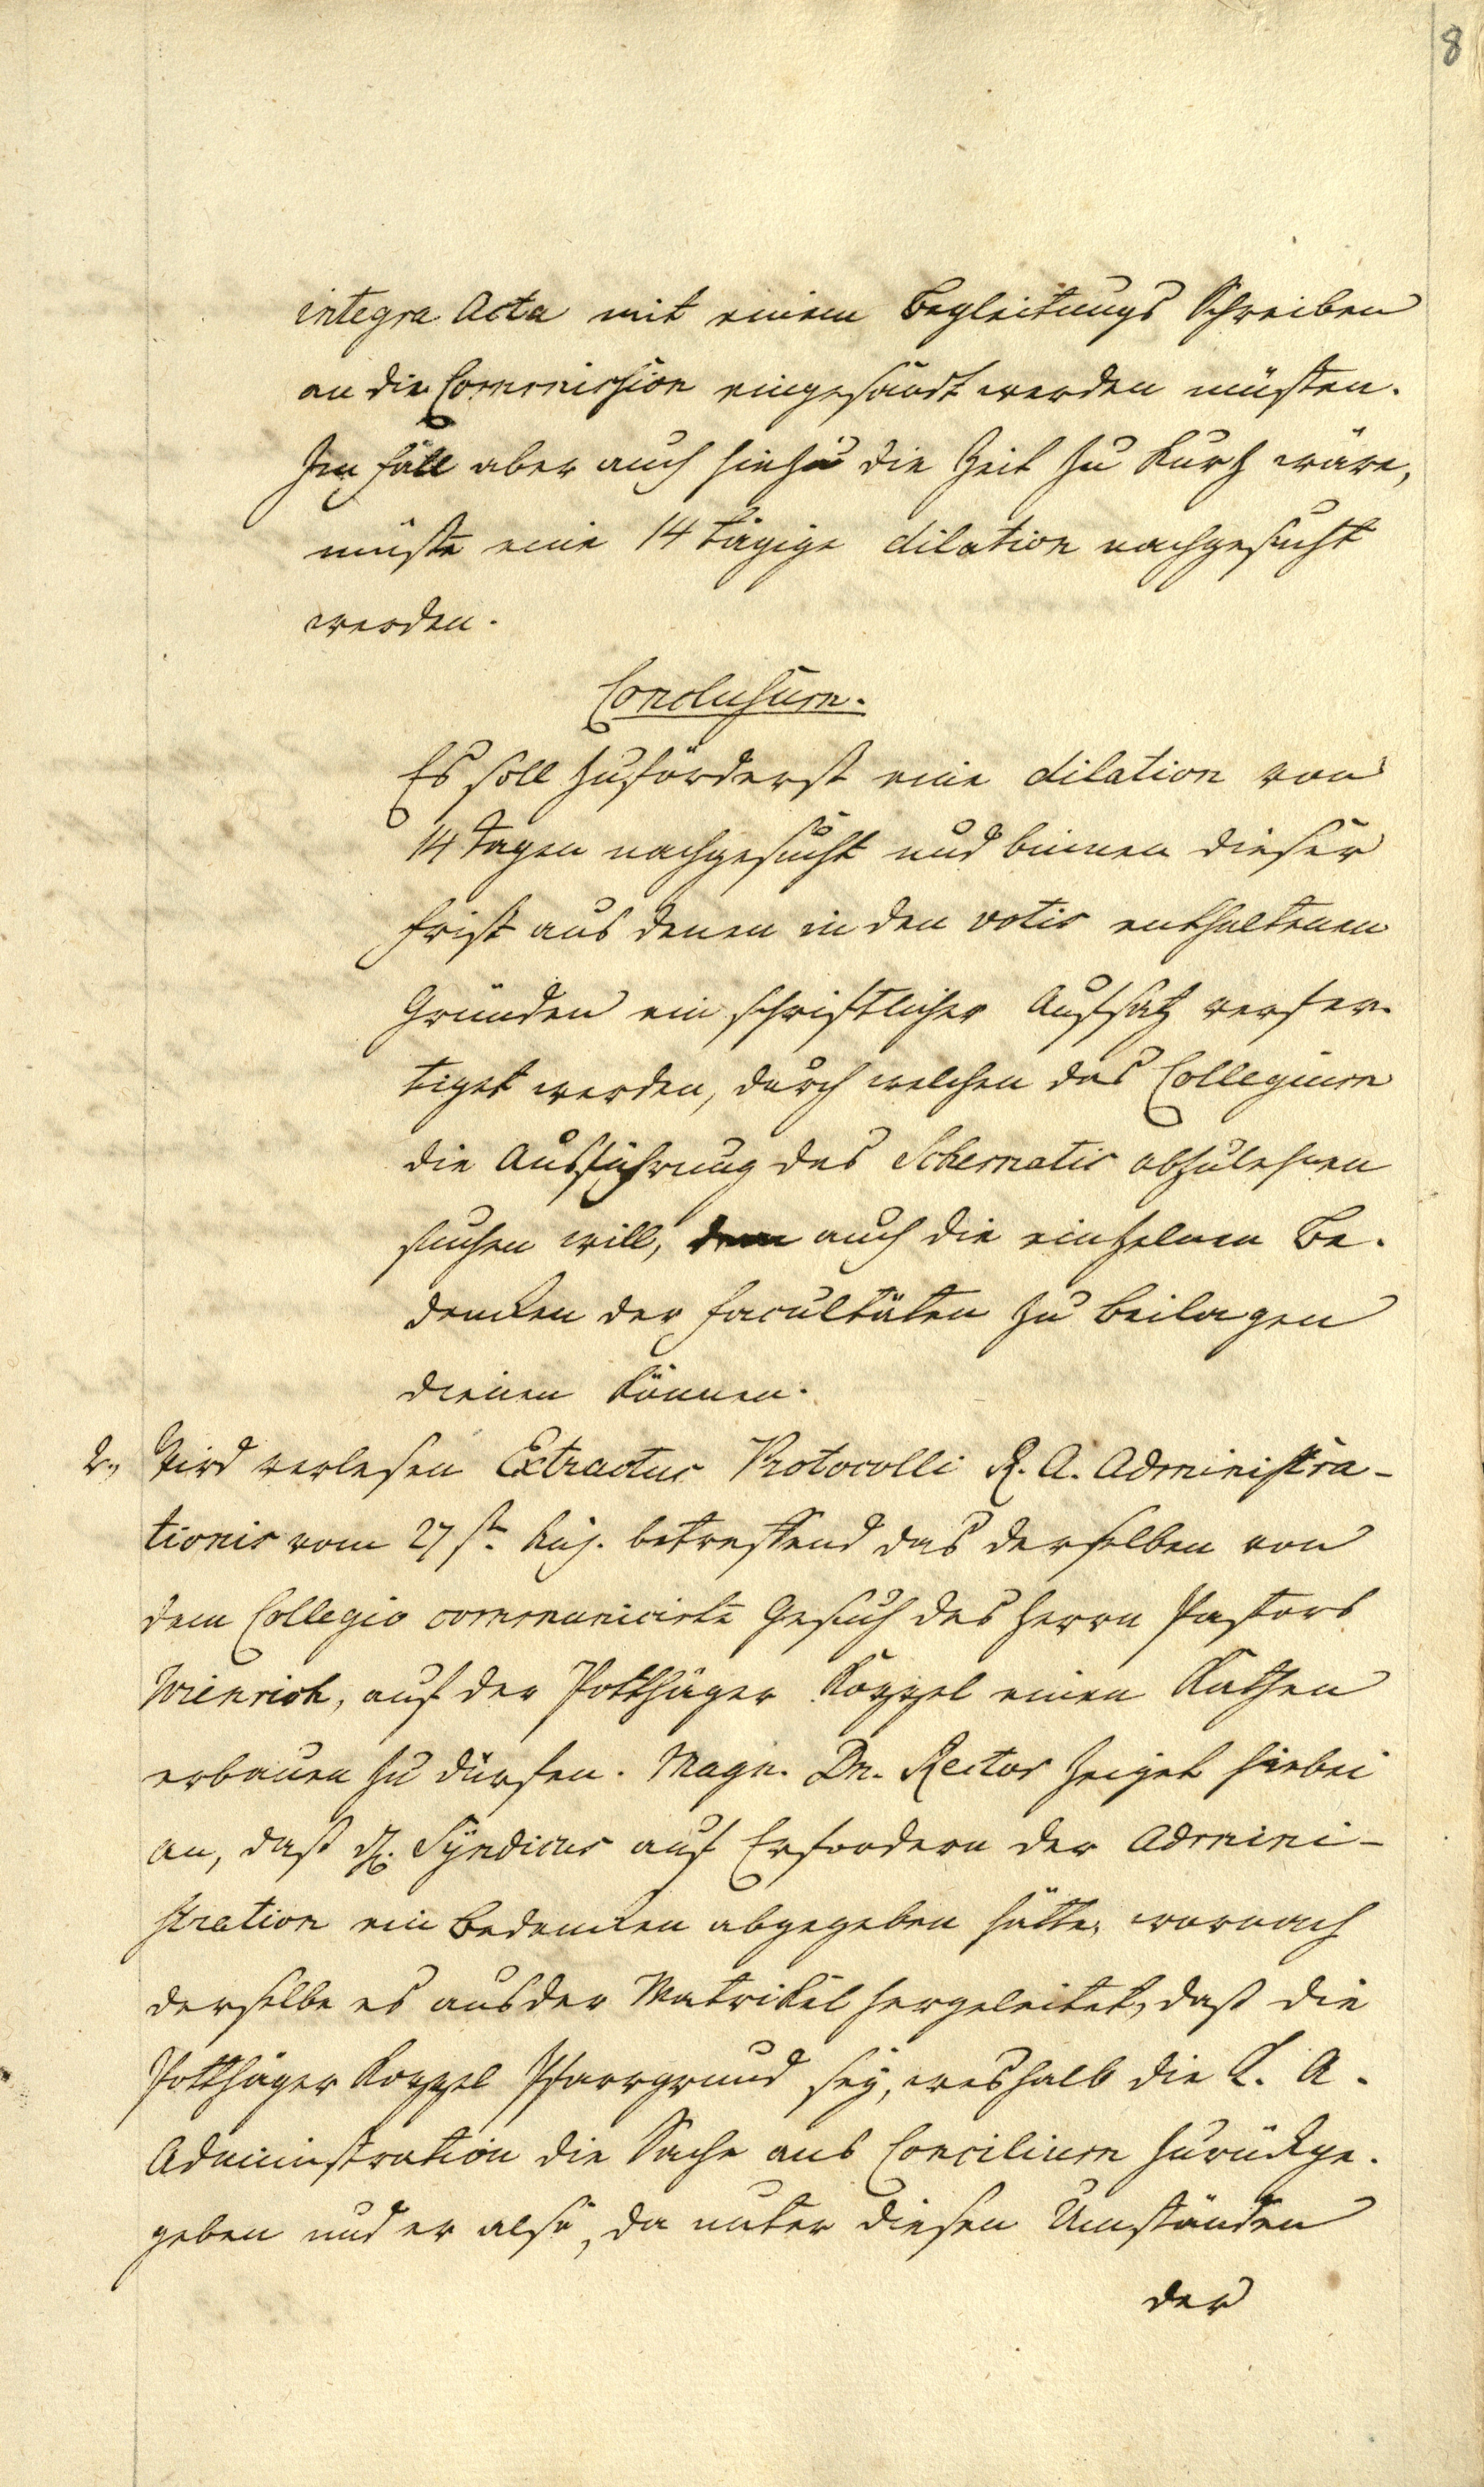integra Acta mit einem Begleitungs Schreiben
an die Commission eingesandt werden müßten
Im Fall aber auch hiezu die Zeit zu kurz wäre,
müßte eine 14 tägige dilation nachgesucht
werden.
Conclusum.
Es soll zu förderst eine dilation von
14 Tagen nachgesucht und binnen dieser
Frist aus denen in den votis enthaltenen
Gründen ein schriftlicher Aufsatz verfer-
tiget werden, durch welchen das Collegium
die Ausführung des Schematis abzulesen
suchen will, dem auch die einzelnen Be-
denken der Facultäten zu Beilagen
dienen können.
2. Wird verlesen Extractus Protocolli K. A. Administra-
tionis vom 27sten huj. betreffend das derselben von
dem Collegio communicirte Gesuch des Herrn Pastors
Wienrich, auf der Potthäger Koppel einen Kathen
erbauen zu dürfen. Magn. Dn. Rector zeiget hiebei
an, daß dh. Syndicus auf Erfordern der Admini-
stration ein Bedenken abgegeben hätte, wornach
derselbe es aus der Matrikel hergeleitet, daß die
Potthäger Koppel Pfarrgrund sey, weshalb die K. A.
Administration die Sache ans Concilium zurückge-
geben und er also, da unter diesen Umständen
der